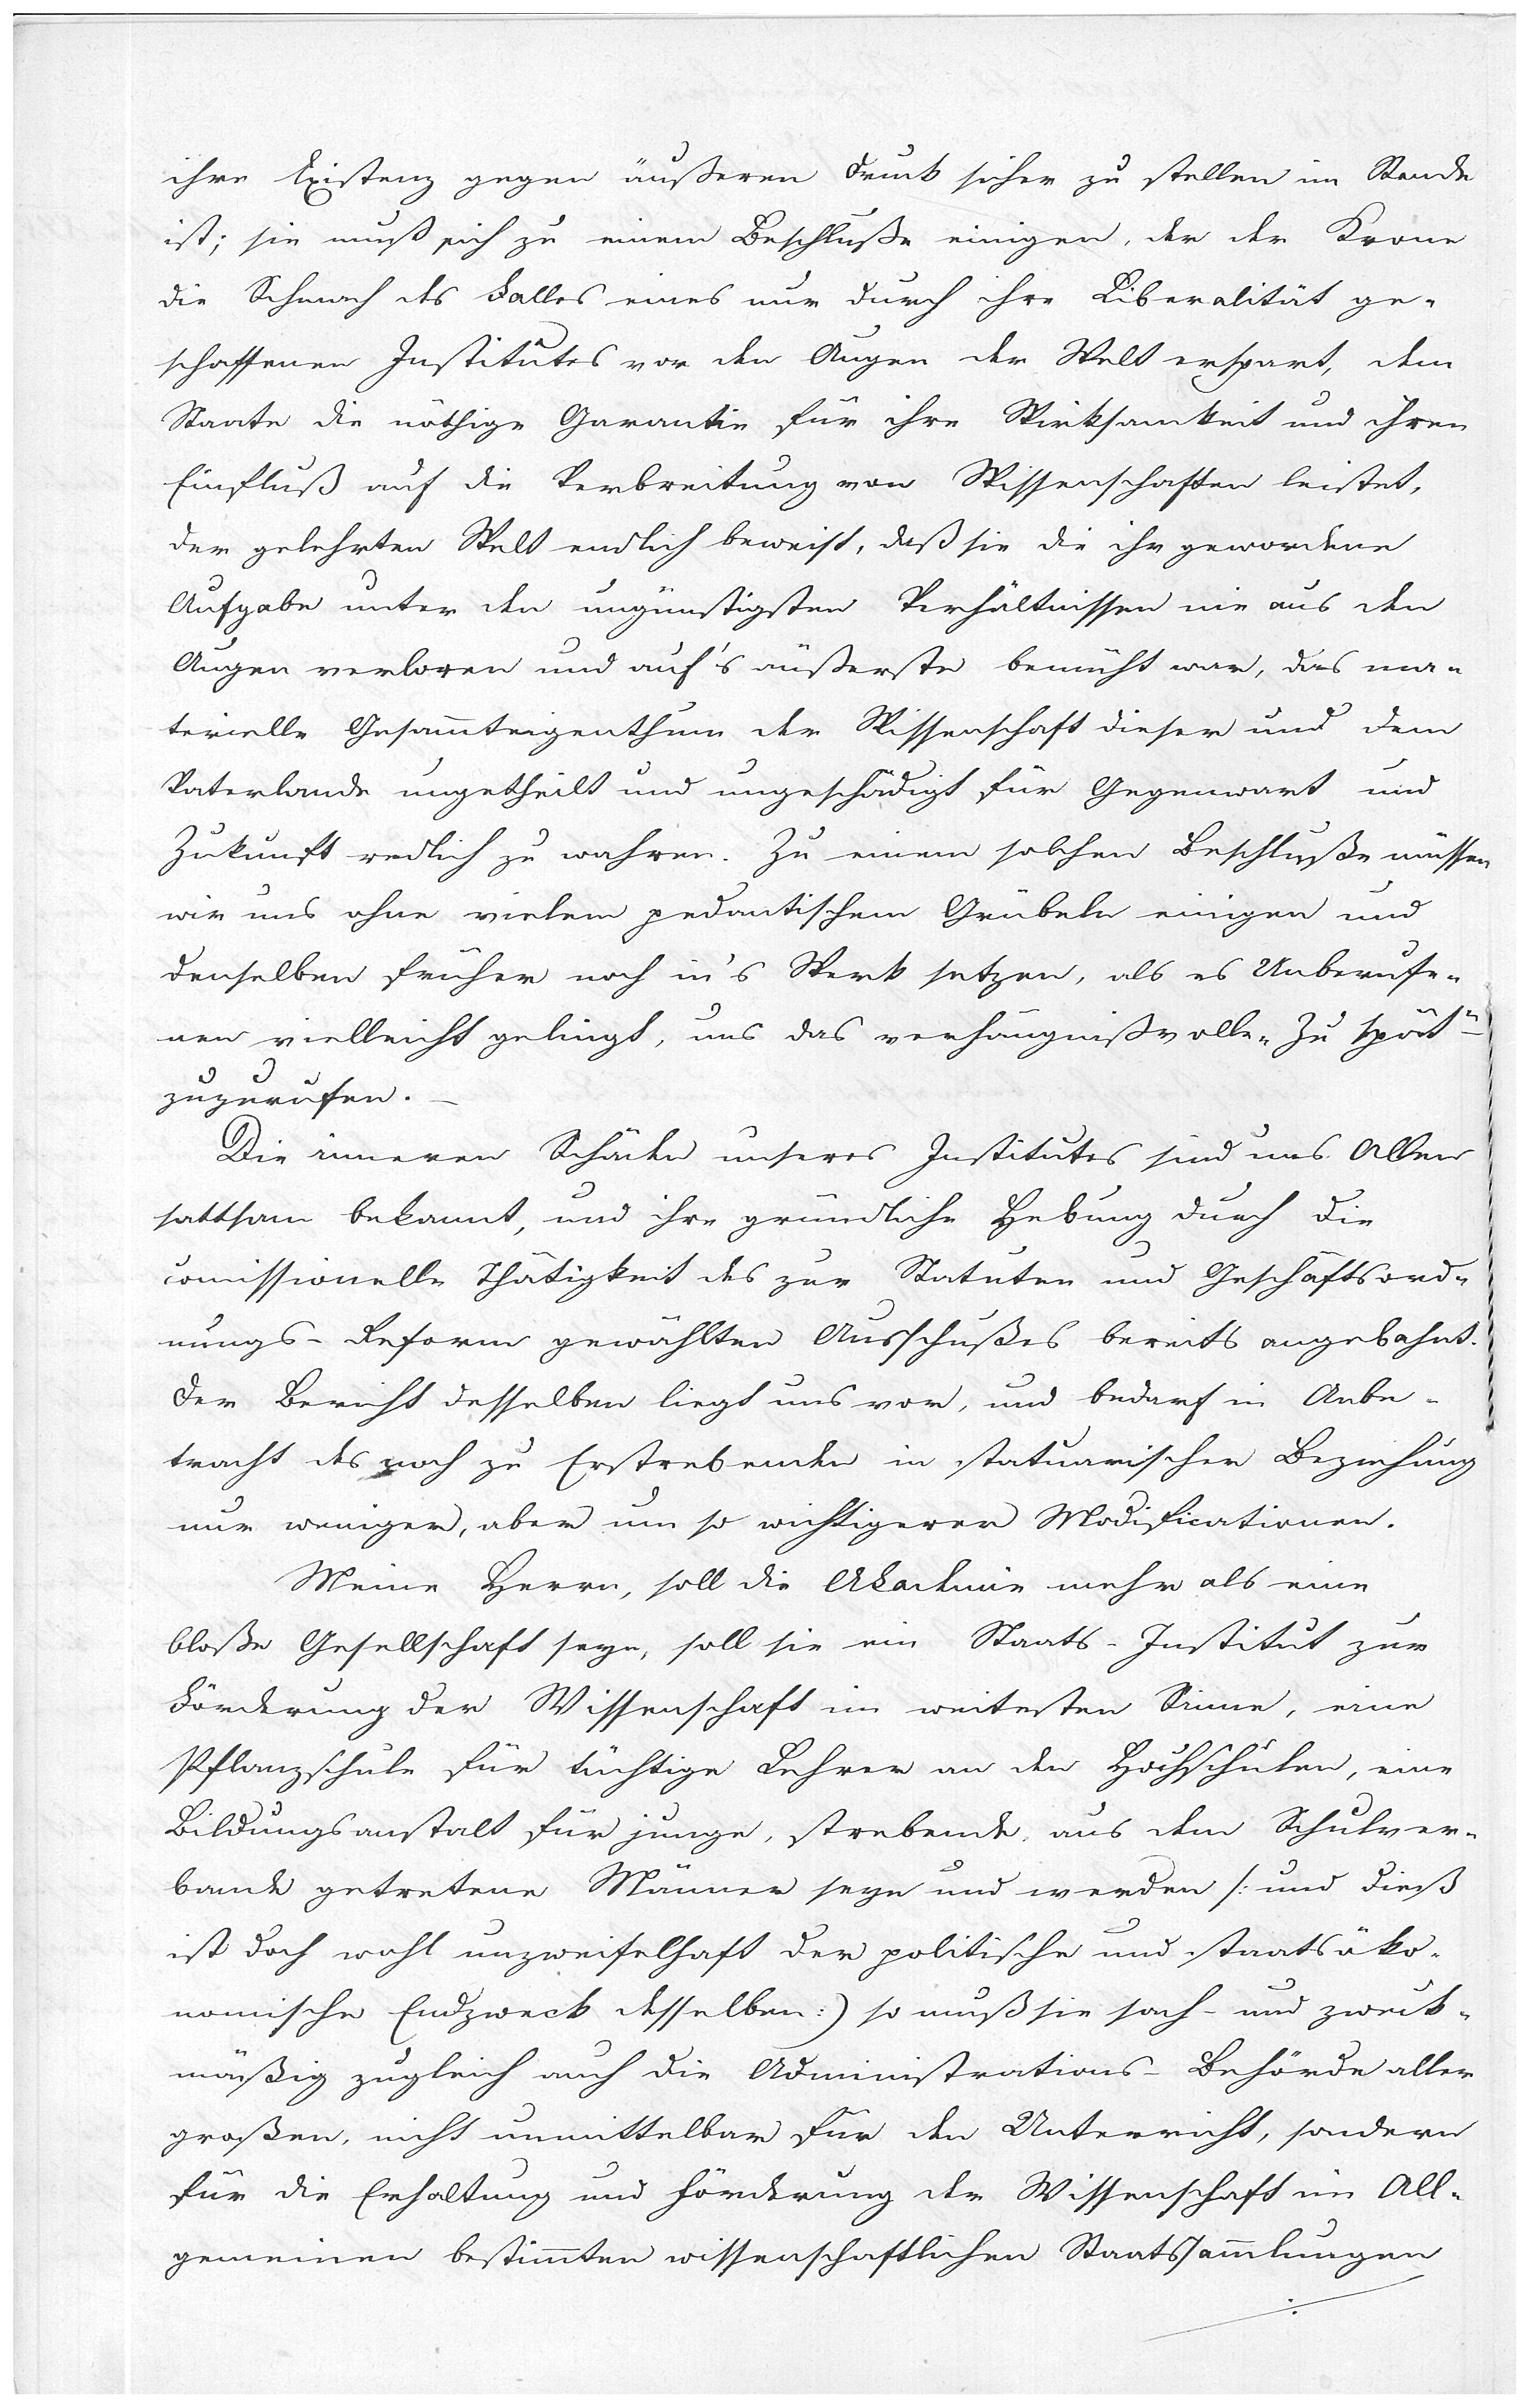ihre Existenz gegen äußeren Druck sicher zu stellen im Stande
ist; sie muß sich zu einen Beschluße einigen, der der Krone
die Schmach des Falles eines nur durch ihre Liberalität ge-
schaffenen Institutes vor den Augen der Welt erspart, dem
Staate die nöthige Garantie für ihre Wirksamkeit und ihren
Einfluß auf die Verbreitung von Wissenschaften leistet,
der gelehrten Welt endlich beweist, daß sie die ihr gewordene
Aufgabe unter den ungünstigsten Verhältnissen nie aus den
Augen verloren und auf's äußerste bemüht war, das ma-
terielle Gesammteigenthum der Wissenschaft dieser und dem
Vaterlande ungetheilt und ungeschädigt für Gegenwart und
Zukunft redlich zu wahren. Zu einem solchen Beschluße müssen
wir uns ohne vielem pedantischem Grübeln einigen und
denselben früher noch in's Werk setzen, als es Unberufe-
nen vielleicht gelingt, uns das verhängnißvolle "zu spät"
zuzurufen.
Die inneren Schächen unseren Institutes sind im Allen
sattsam bekannt, und ihre gründlich Hebung durch die
commissionelle Thätigkeit des zur Statuten und Geschäftsord-
nungs-Reform gewählten Ausschußes bereits angebahnt.
Der Bericht desselben liegt uns vor, und bedarf in Anbe-
tracht des noch zu Erstrebenden in statuarischer Beziehung
nur weniger, aber um so wichtigerer Modificationen.
Meine Herrn, soll die Akademie mehr als eine
bloße Gesellschaft seyn, soll sie ein Staats-Institut zur
Förderung der Wissenschaft im weitesten Sinne, eine
Pflanzschule für tüchtige Lehrer an den Hochschulen, eine
Bildungsanstalt für jungen, strebende, aus dem Schulver-
bande getretene Männer seyn und werden (und dieß
ist doch wohl unzweifelhaft der politische und staatsöko-
nomische Endzweck desselben) so muß sie sach- und zweck-
mäßig zugleich auch die Administrations-Behörde aller
großen, nicht unmittelbar für den Unterricht, sondern
für die Erhaltung und Förderung der Wissenschaft im All-
gemeinen bestimmte wissenschaftlichen Staatssammlungen